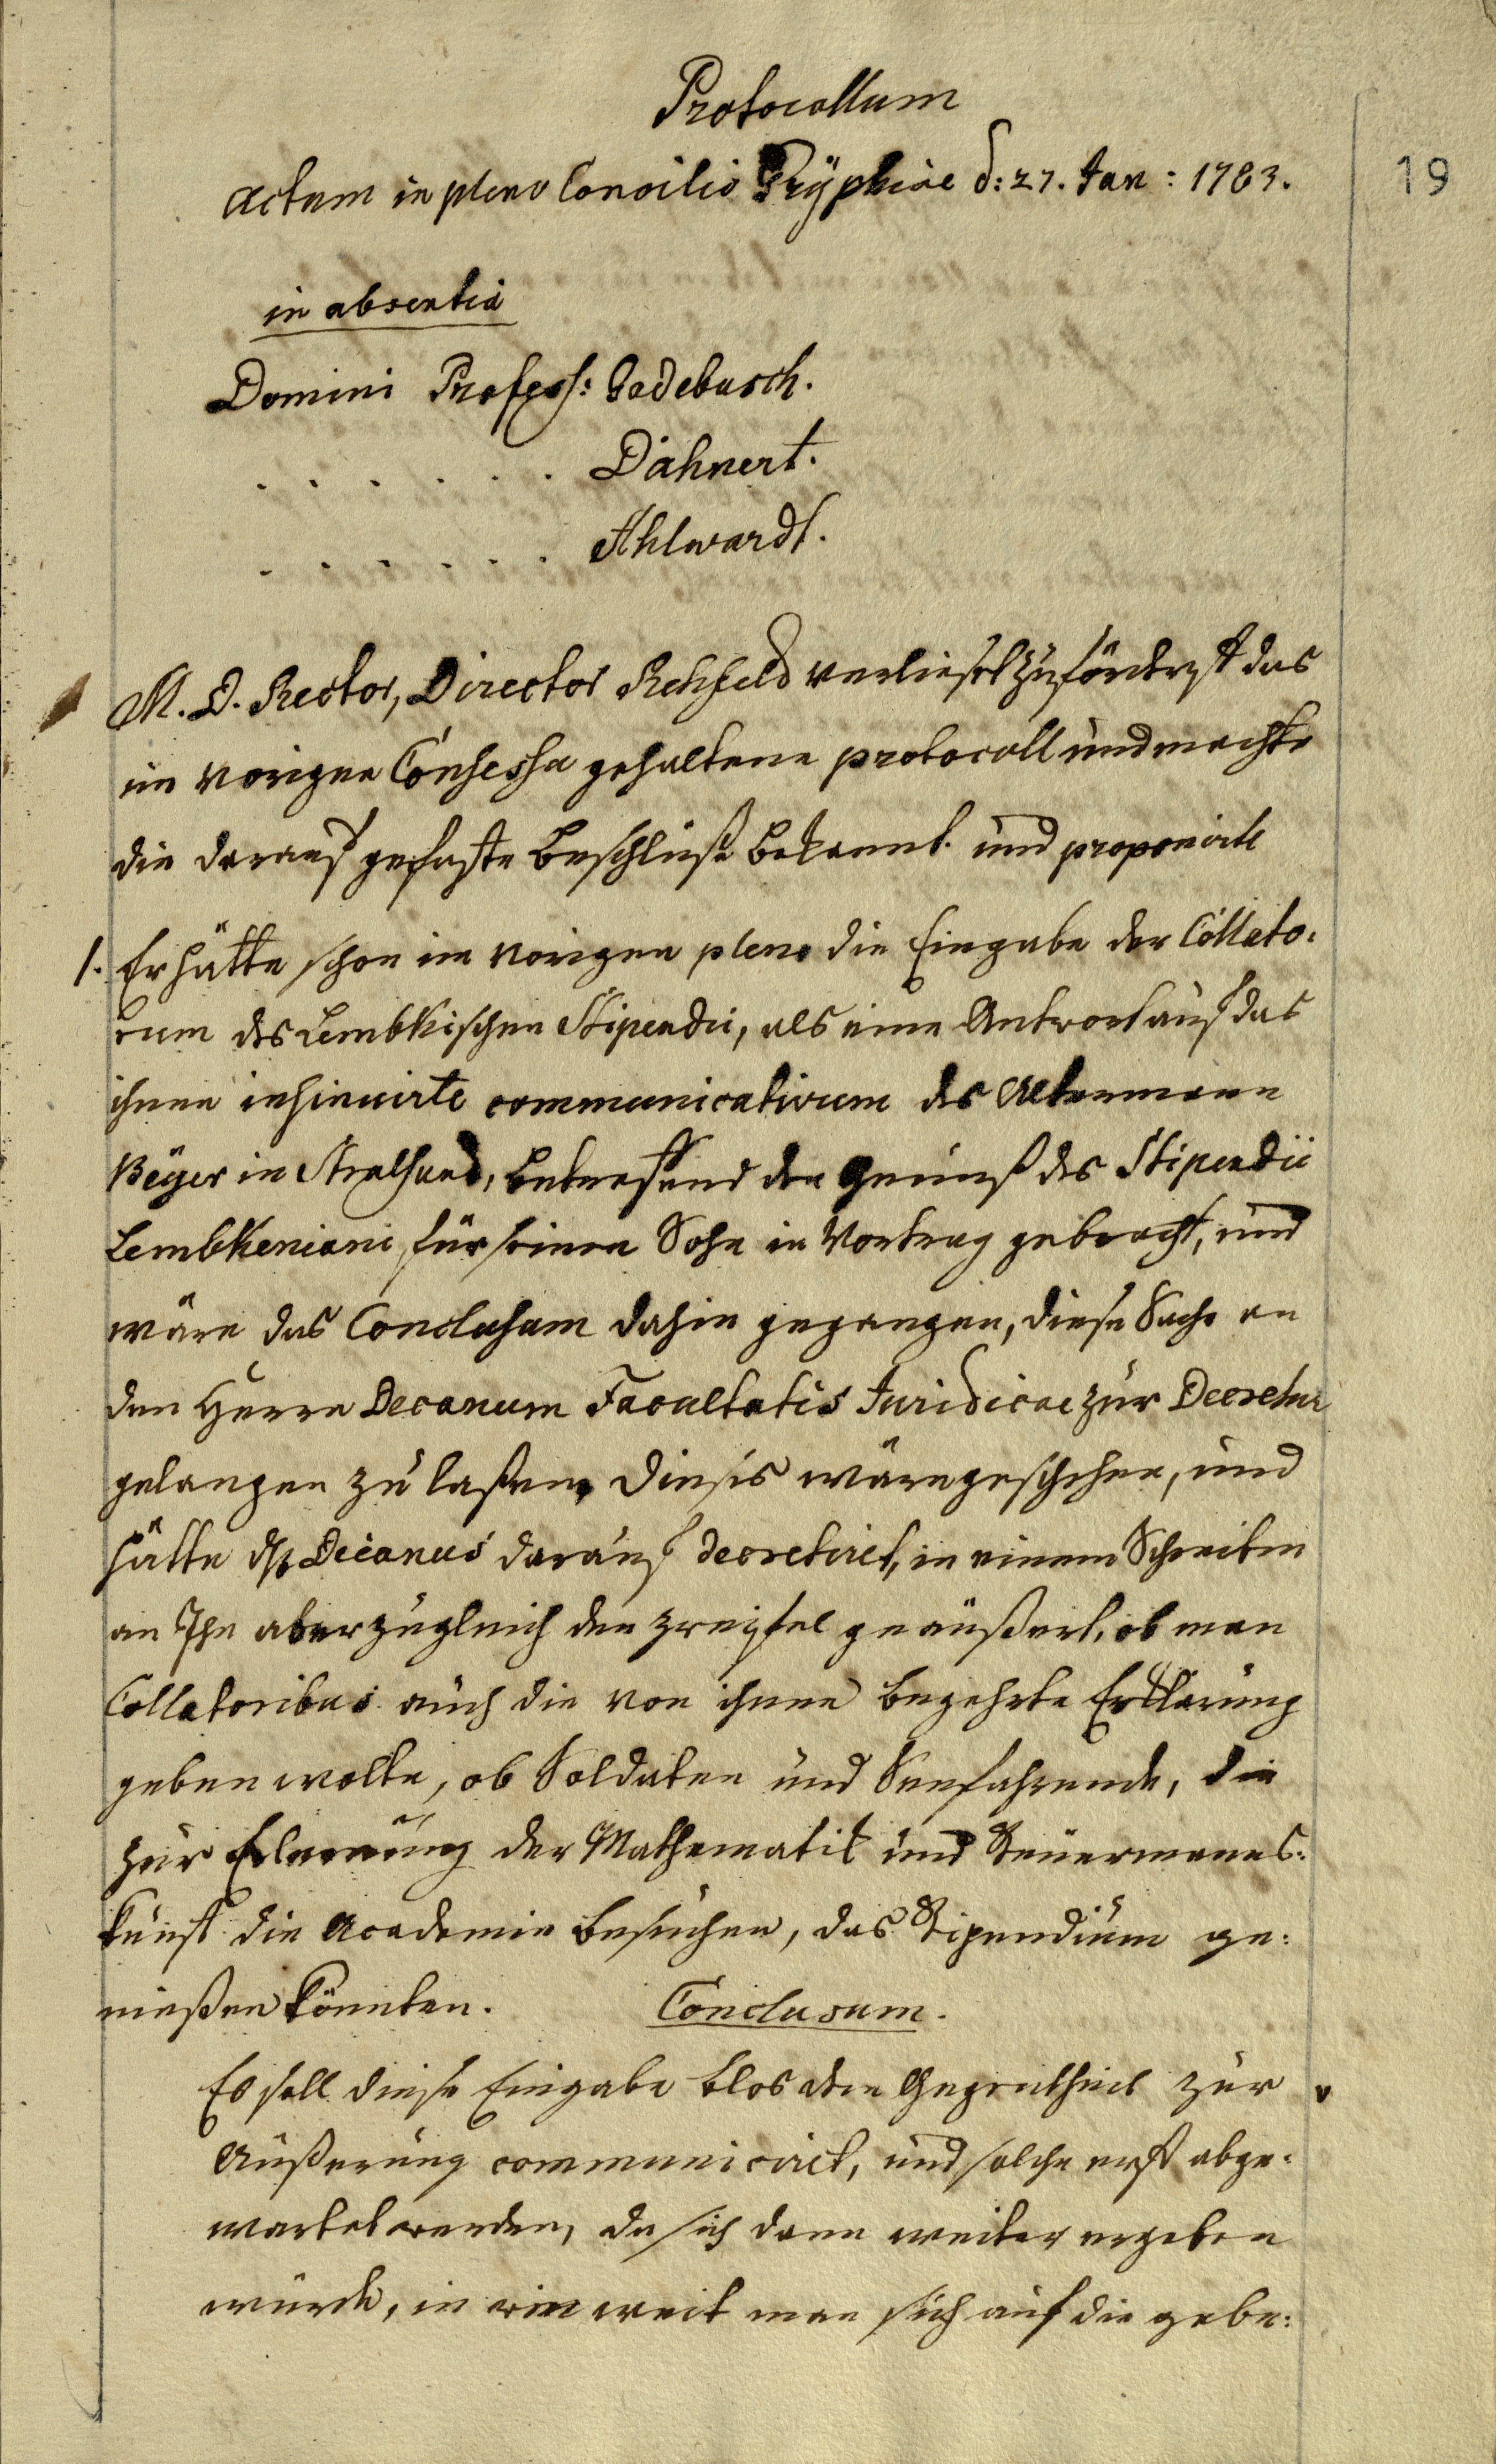Protocollum
Actum in pleno Concilio Grÿphiae d. 27. Jan. 1783.
in absentia
Domini Profess. Gadebusch.
Dähnert.
Ahlwardt.
M. D. Rector, Director Rehfeld verlieset zuförderst das
im vorigen Consessu gehaltenen protocoll und machte
die darauf gefaste Beschlüße bekannt und proponirte
1. Er hätte schon im vorigen pleno die Eingabe der Collato¬
rum des Lembkischen Stipendii, als eine Antwort auf das
ihnen insinuirte communicativum des Altermann
Beÿer in Stralsund, betreffend den Genuß des Stipendii
Lembkeniani für seinen Sohn in Vortrag gebracht, und
wäre das Conclusum dahin gegangen, diese Sache an
den Herrn Decanum Facultatis Juridicae zur Decretur
gelangen zu laßen. Dieses wäre geschehen, und
hätte dh Decanus darauf decretiret, in einem Schreiben
an Ihn aber zugleich den Zweifel geäussert, ob man
Collatoribus auch die von ihnen begehrte Erklärung
geben wolle, ob Soldaten und Seefahrende, die
zur Erlernung der Mathematik und Steuermanns¬
kunst die Academie besuchen, das Stipendium ge¬
nießen könnten. Conclusum
Es soll diese Eingabe blos dem Gegentheil zur
Äußerung communiciret, und solche nicht abge¬
wartet werden, da sich dann weiter ergeben
würde, in wie weit man sich auf die gebe¬